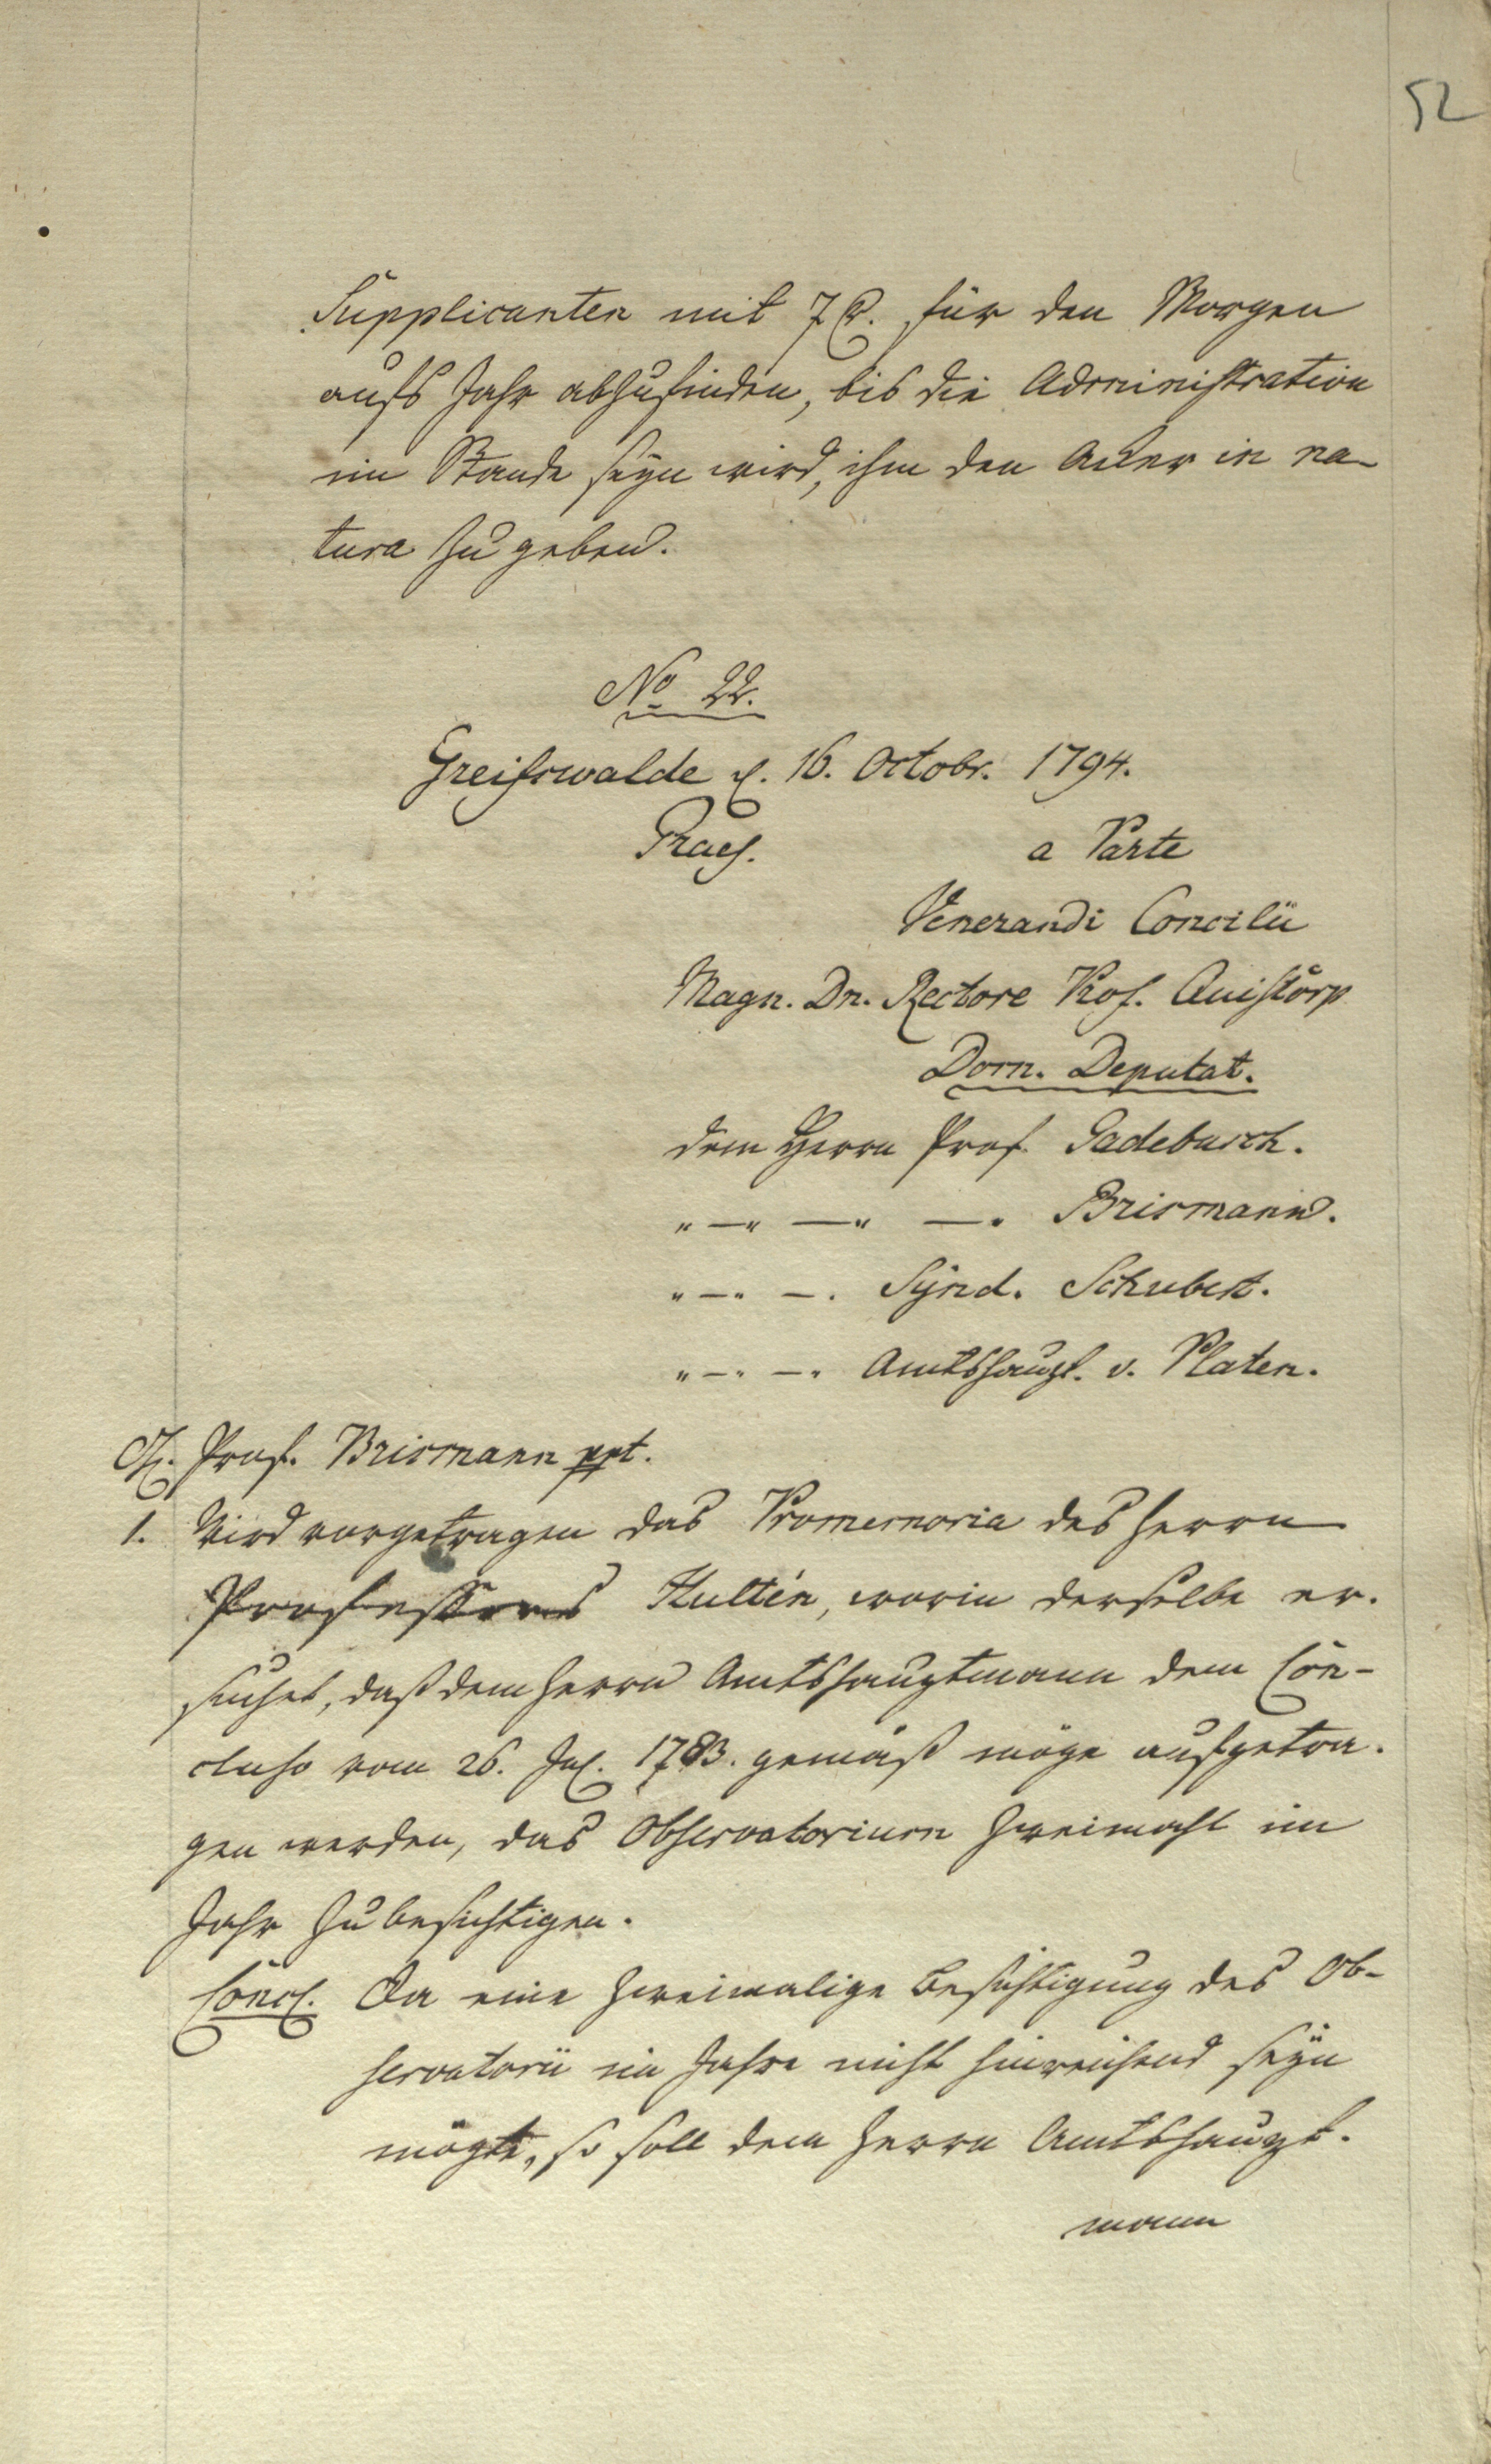Supplicanten mit 7 l. für den Morgen
aufs Jahr abzufinden, bis die Administration
im Stande seÿn wird, ihm den Acker in na¬
tura zu geben.
No 22.
Greifswalde d. 16. Octobr. 1794.
Praes.
a Parte
Venerandi Concilii
Magn. Dn. Rectore Prof. Quistorp.
Dom. Deputat.
dem Herrn Prof. Gadebusch.
Brismann.
Sÿnd. Schubert.
Amtshaupt. v. Platen.
dh. Prof. Brismann ppt.
1. Wird vorgetragen das Promemoria des Herrn
Professors Hultén worin derselbe er
suchet, daß dem Herrn Amtshauptmann dem Con¬
cluso vom 26. Jul. 1793. gemäß möge aufgetra¬
gen werden, das Obserovatorium Zweimahl im
Jahr zu besichtigen.
Concl. Da eine zweimalige Besichtigung des Ob¬
servatorii im Jahre nicht hinreichend seÿn
mögte, so soll dem Herrn Amtshaupt¬
mann